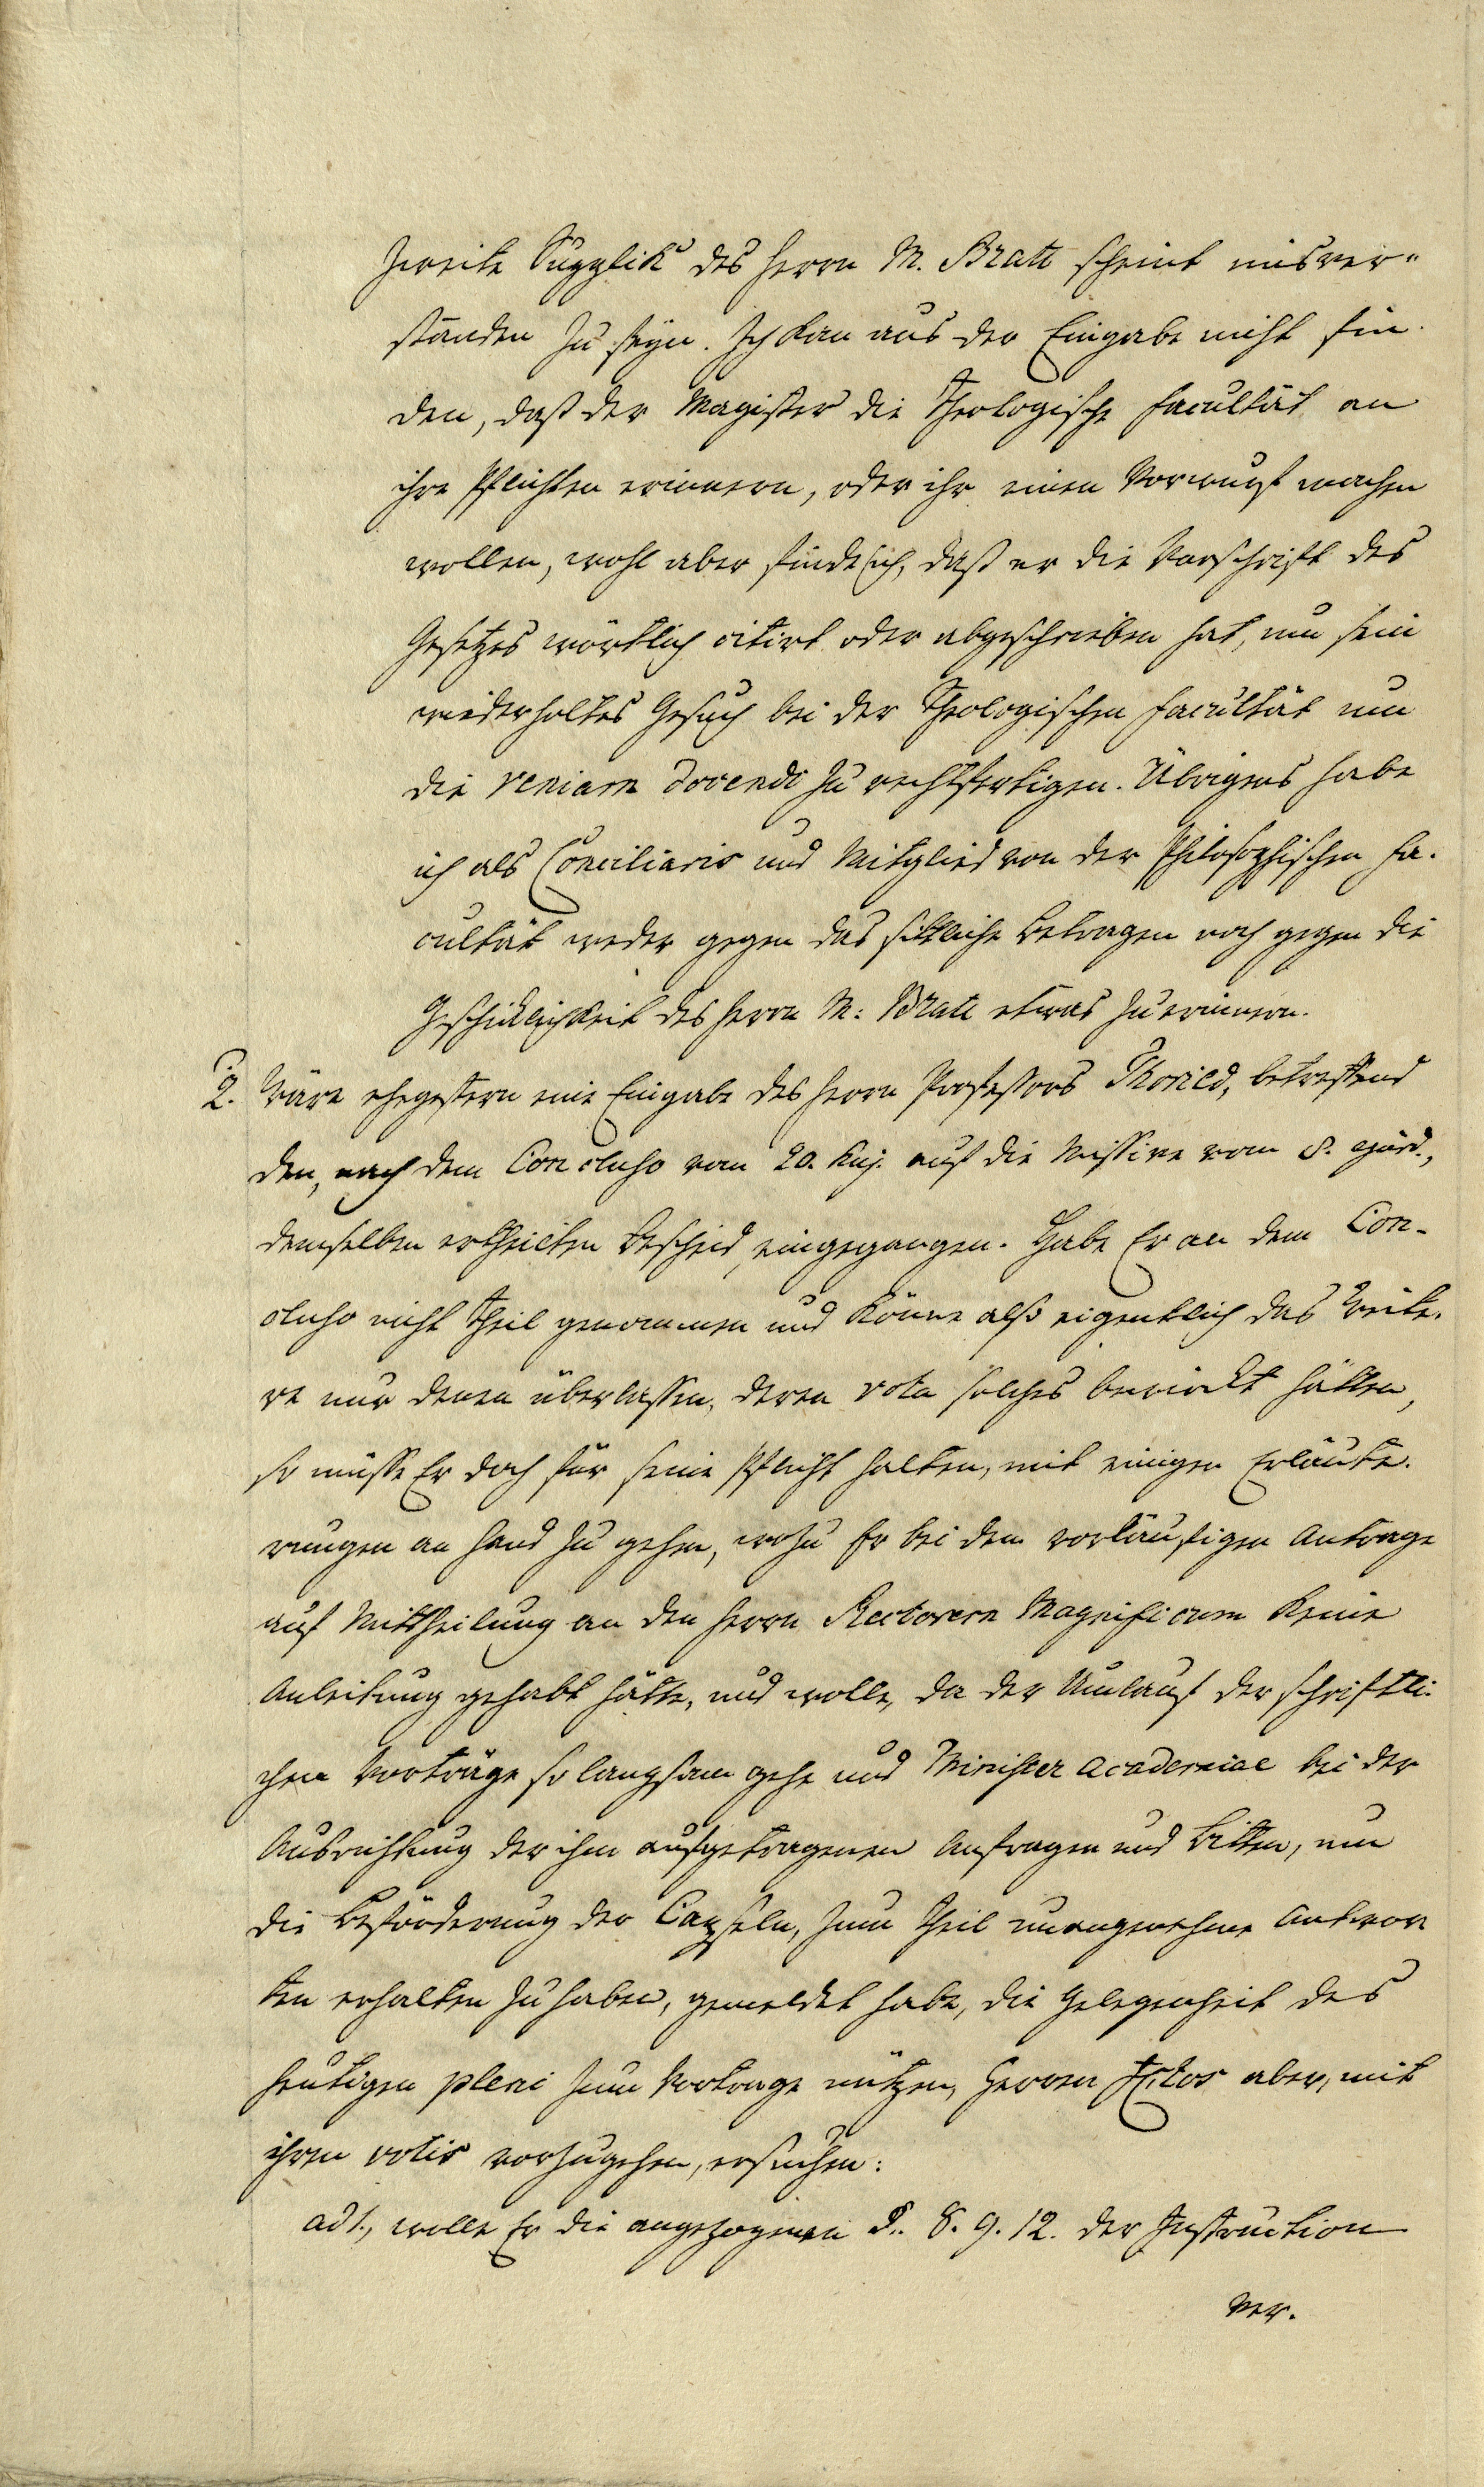zweite Supplik des Herrn M. Bratt scheint misver¬
standen zu seÿn. Ich kan aus der Eingabe nicht fin¬
den, daß der Magister die Theologische Facultät an
ihre Pflichten erinnern, oder ihr einen Vorwurf machen
wollen, wohl aber finde ich, daß er die Vorschrift des
Gesetzes wörtlich citirt oder abgeschrieben hat, um sein
wiederholtes Gesuch bei der Theologischen Facultät um
die veniam docendi zu rechtfertigen. Übrigens habe
ich als Conciliaris und Mitglied von der Philosophischen Fa¬
cultät weder gegen das sittliche Betragen auch gegen die
Geschicklichkeit des Herrn M. Bratt etwas zu erinnern.
2. Wäre ehegestern eine Eingabe des Herrn Professors Thorild, betreffend
den, nach dem Concluso vom 20. huj. auf die Missive vom 8. ejusd.,
demselben ertheilten Bescheid eingegangen. Habe Er an dem Con¬
cluso nicht Theil genommen und könne als eigentlich das Weite¬
re nur denen überlassen, deren vota solches bewirckt hätten,
so müsse Er doch für seine Pflicht halten, mit einigen Erläute¬
rungen an Hand zu gehen, wozu Er bei dem vorläufigen Antrage
auf Mittheilung an den Herrn Rectorem Magnificum keine
Anleitung gehabt hätte, und wolle, da der Umlauf der schriftli¬
chen Vorträge so langsahm gehe und Minister Academiae bei der
Ausrichtung der ihm aufgetragenen Anfragen und Bitten, um
die Beförderung der Capseln, zum Theil unangenehme Antwor¬
ten erhalten zu haben, gemeldet habe, die Gelegenheit des
heutigen pleni zum Vortrage nützen, Herren Il.tos aber, mit
ihren votis vorzugehen, ersuchen:
ad 1., wolle Er die angezogenen §. 8. 9. 12. der Instruction
ver.